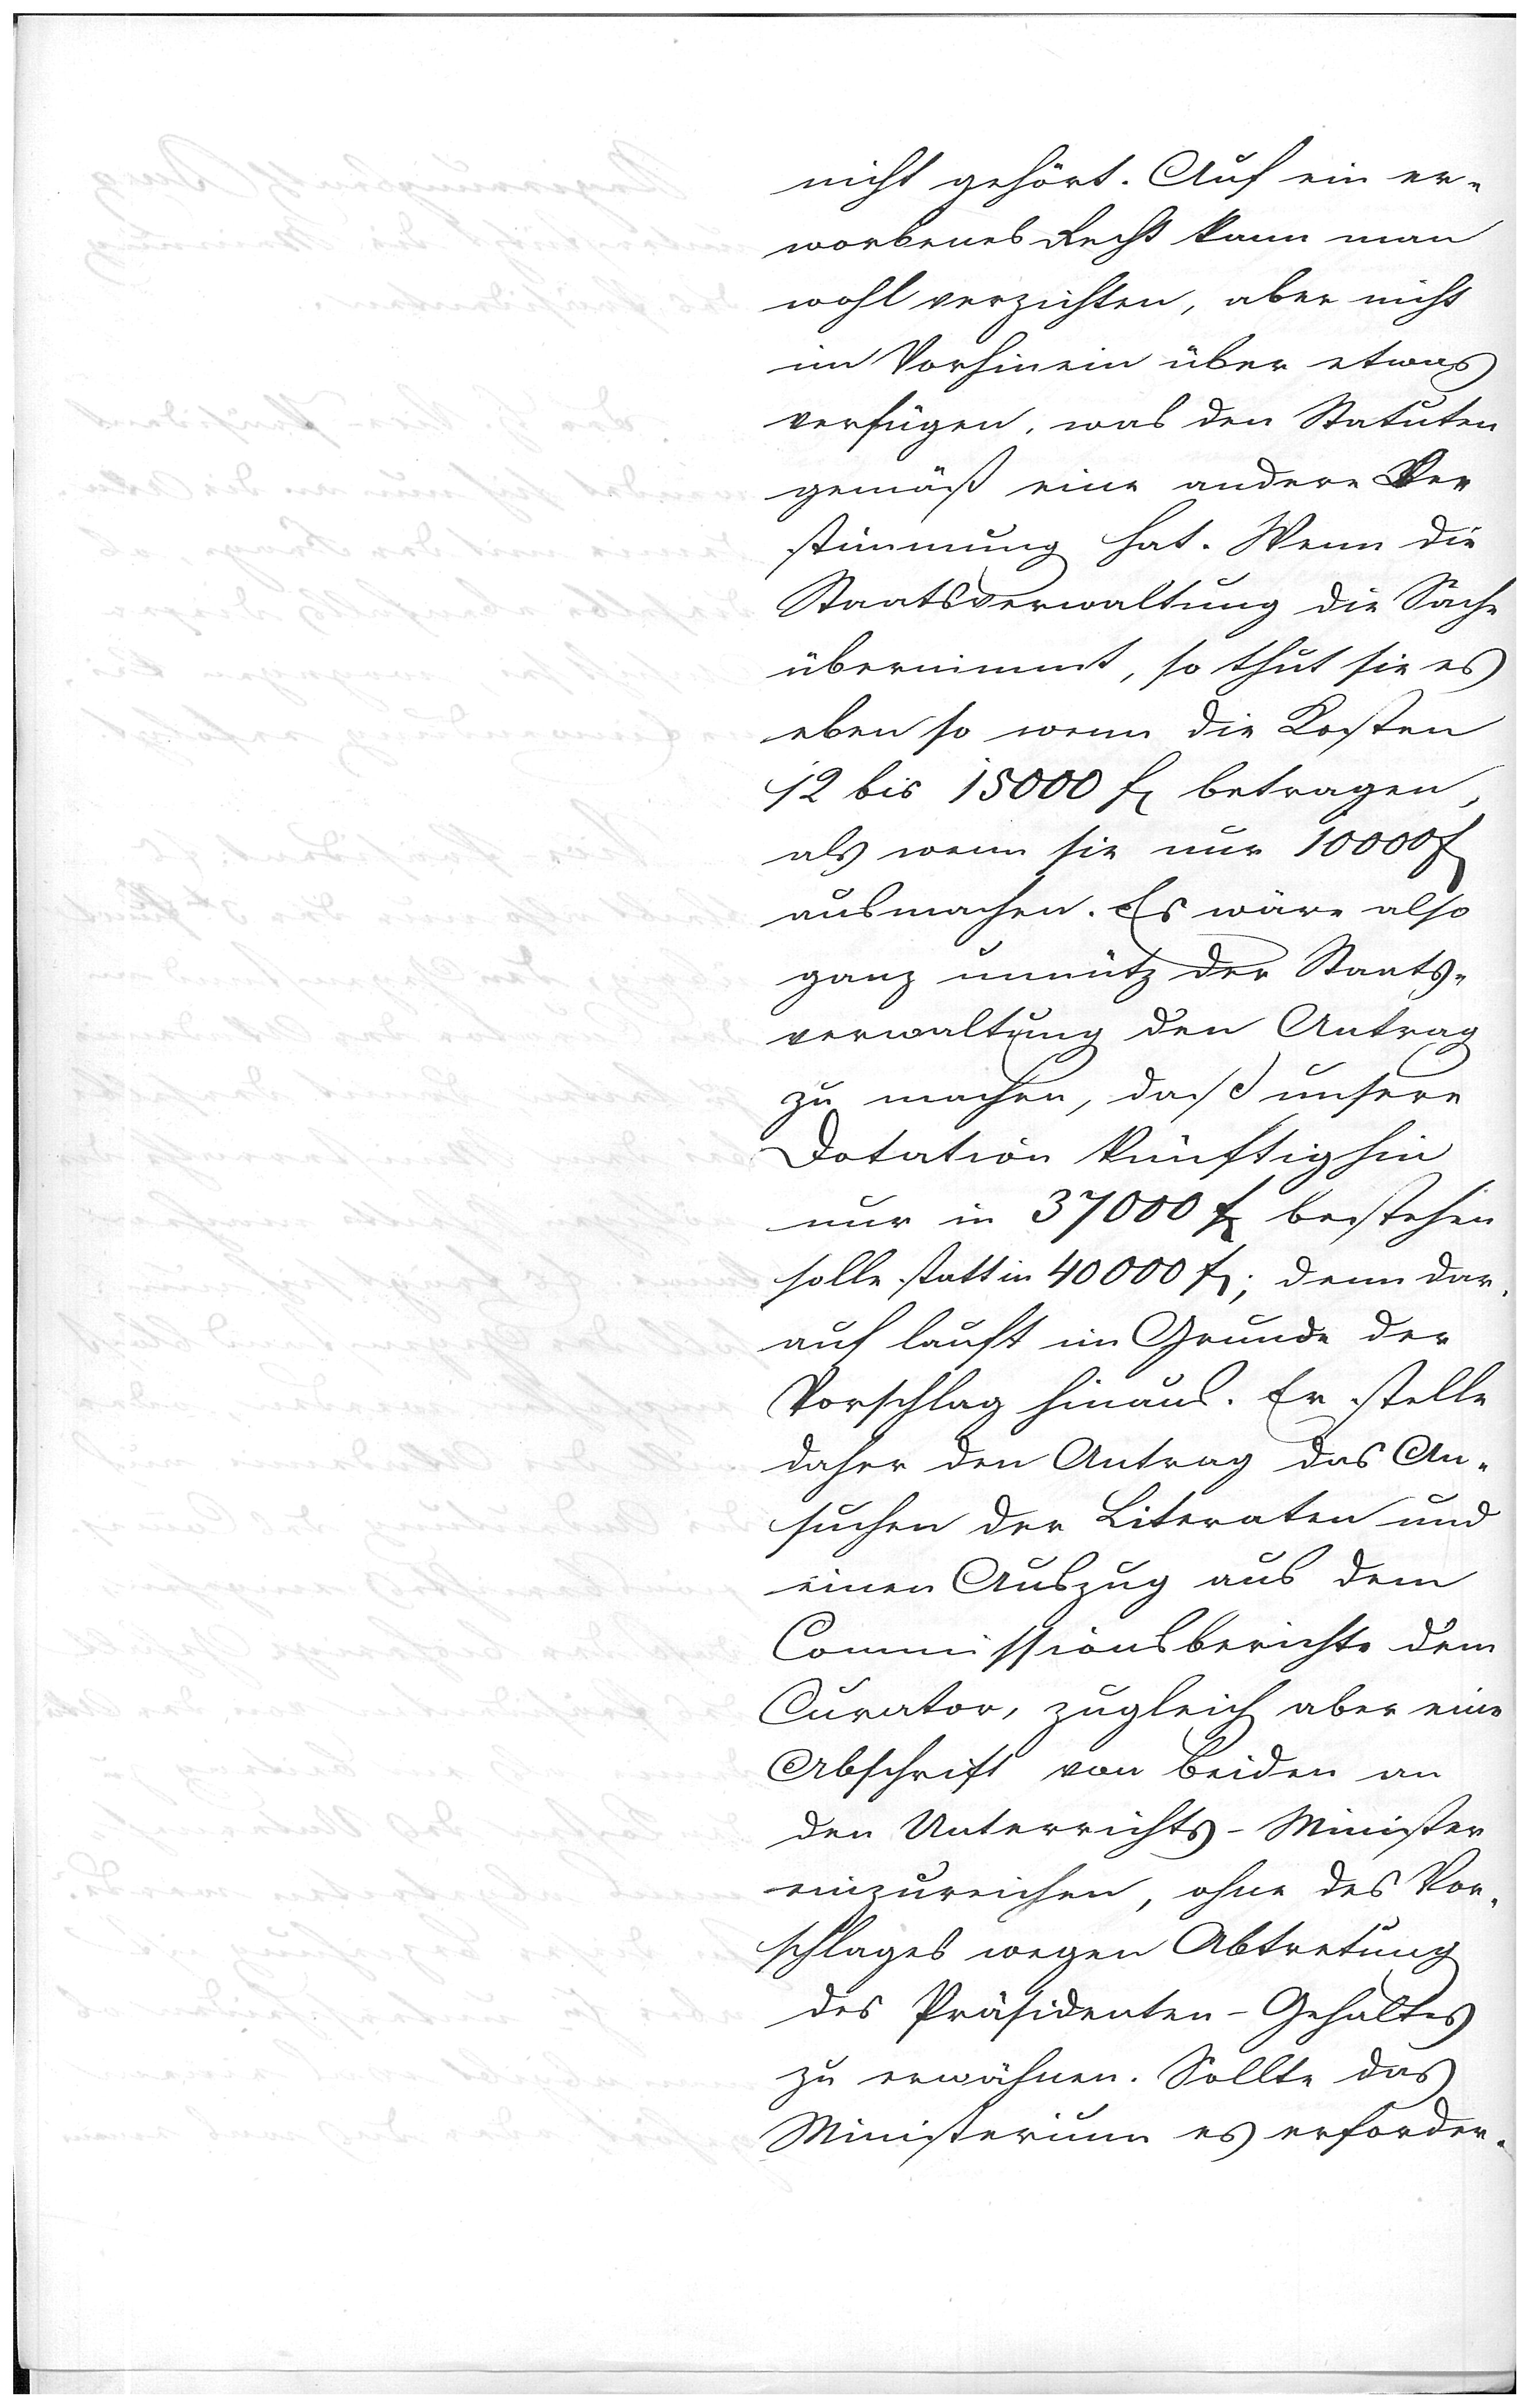nicht gehört. Auf ein er-
worbenes Recht kann man
wohl verzichten, aber nicht
im Vorhinein über etwas
verfügen, was den Statuten
gemäß eine andere Ver-
stimmung hat. Wenn die
Staatsverwaltung die Sache
übernimmt, so thut sie es
eben so wenn die Kosten
12 bis 15000 fl betragen,
als wenn sie nur 10000 fr
ausmachen. Es wäre also
ganz unnütz der Staats-
verwaltung den Antrag
zu machen, daß unsere
Dotation künftighin
nur in 37000 fl bestehen
solle statt 40000 fl; denn dar-
auf läuft in Grunde der
Vorschlag hinaus. Er stelle
daher den Antrag das An-
suchen der Literaten und
einen Auszug aus dem
Commissionsberichte dem
Curator, zugleich aber eine
Abschrift von beiden an
den Unterrichts-Minister
einzureichen, ohne des Vor-
schlages wegen Abtretung
des Präsidenten-Gehaltes
zu erwähnen. Sollte das
Ministerium es erforder-